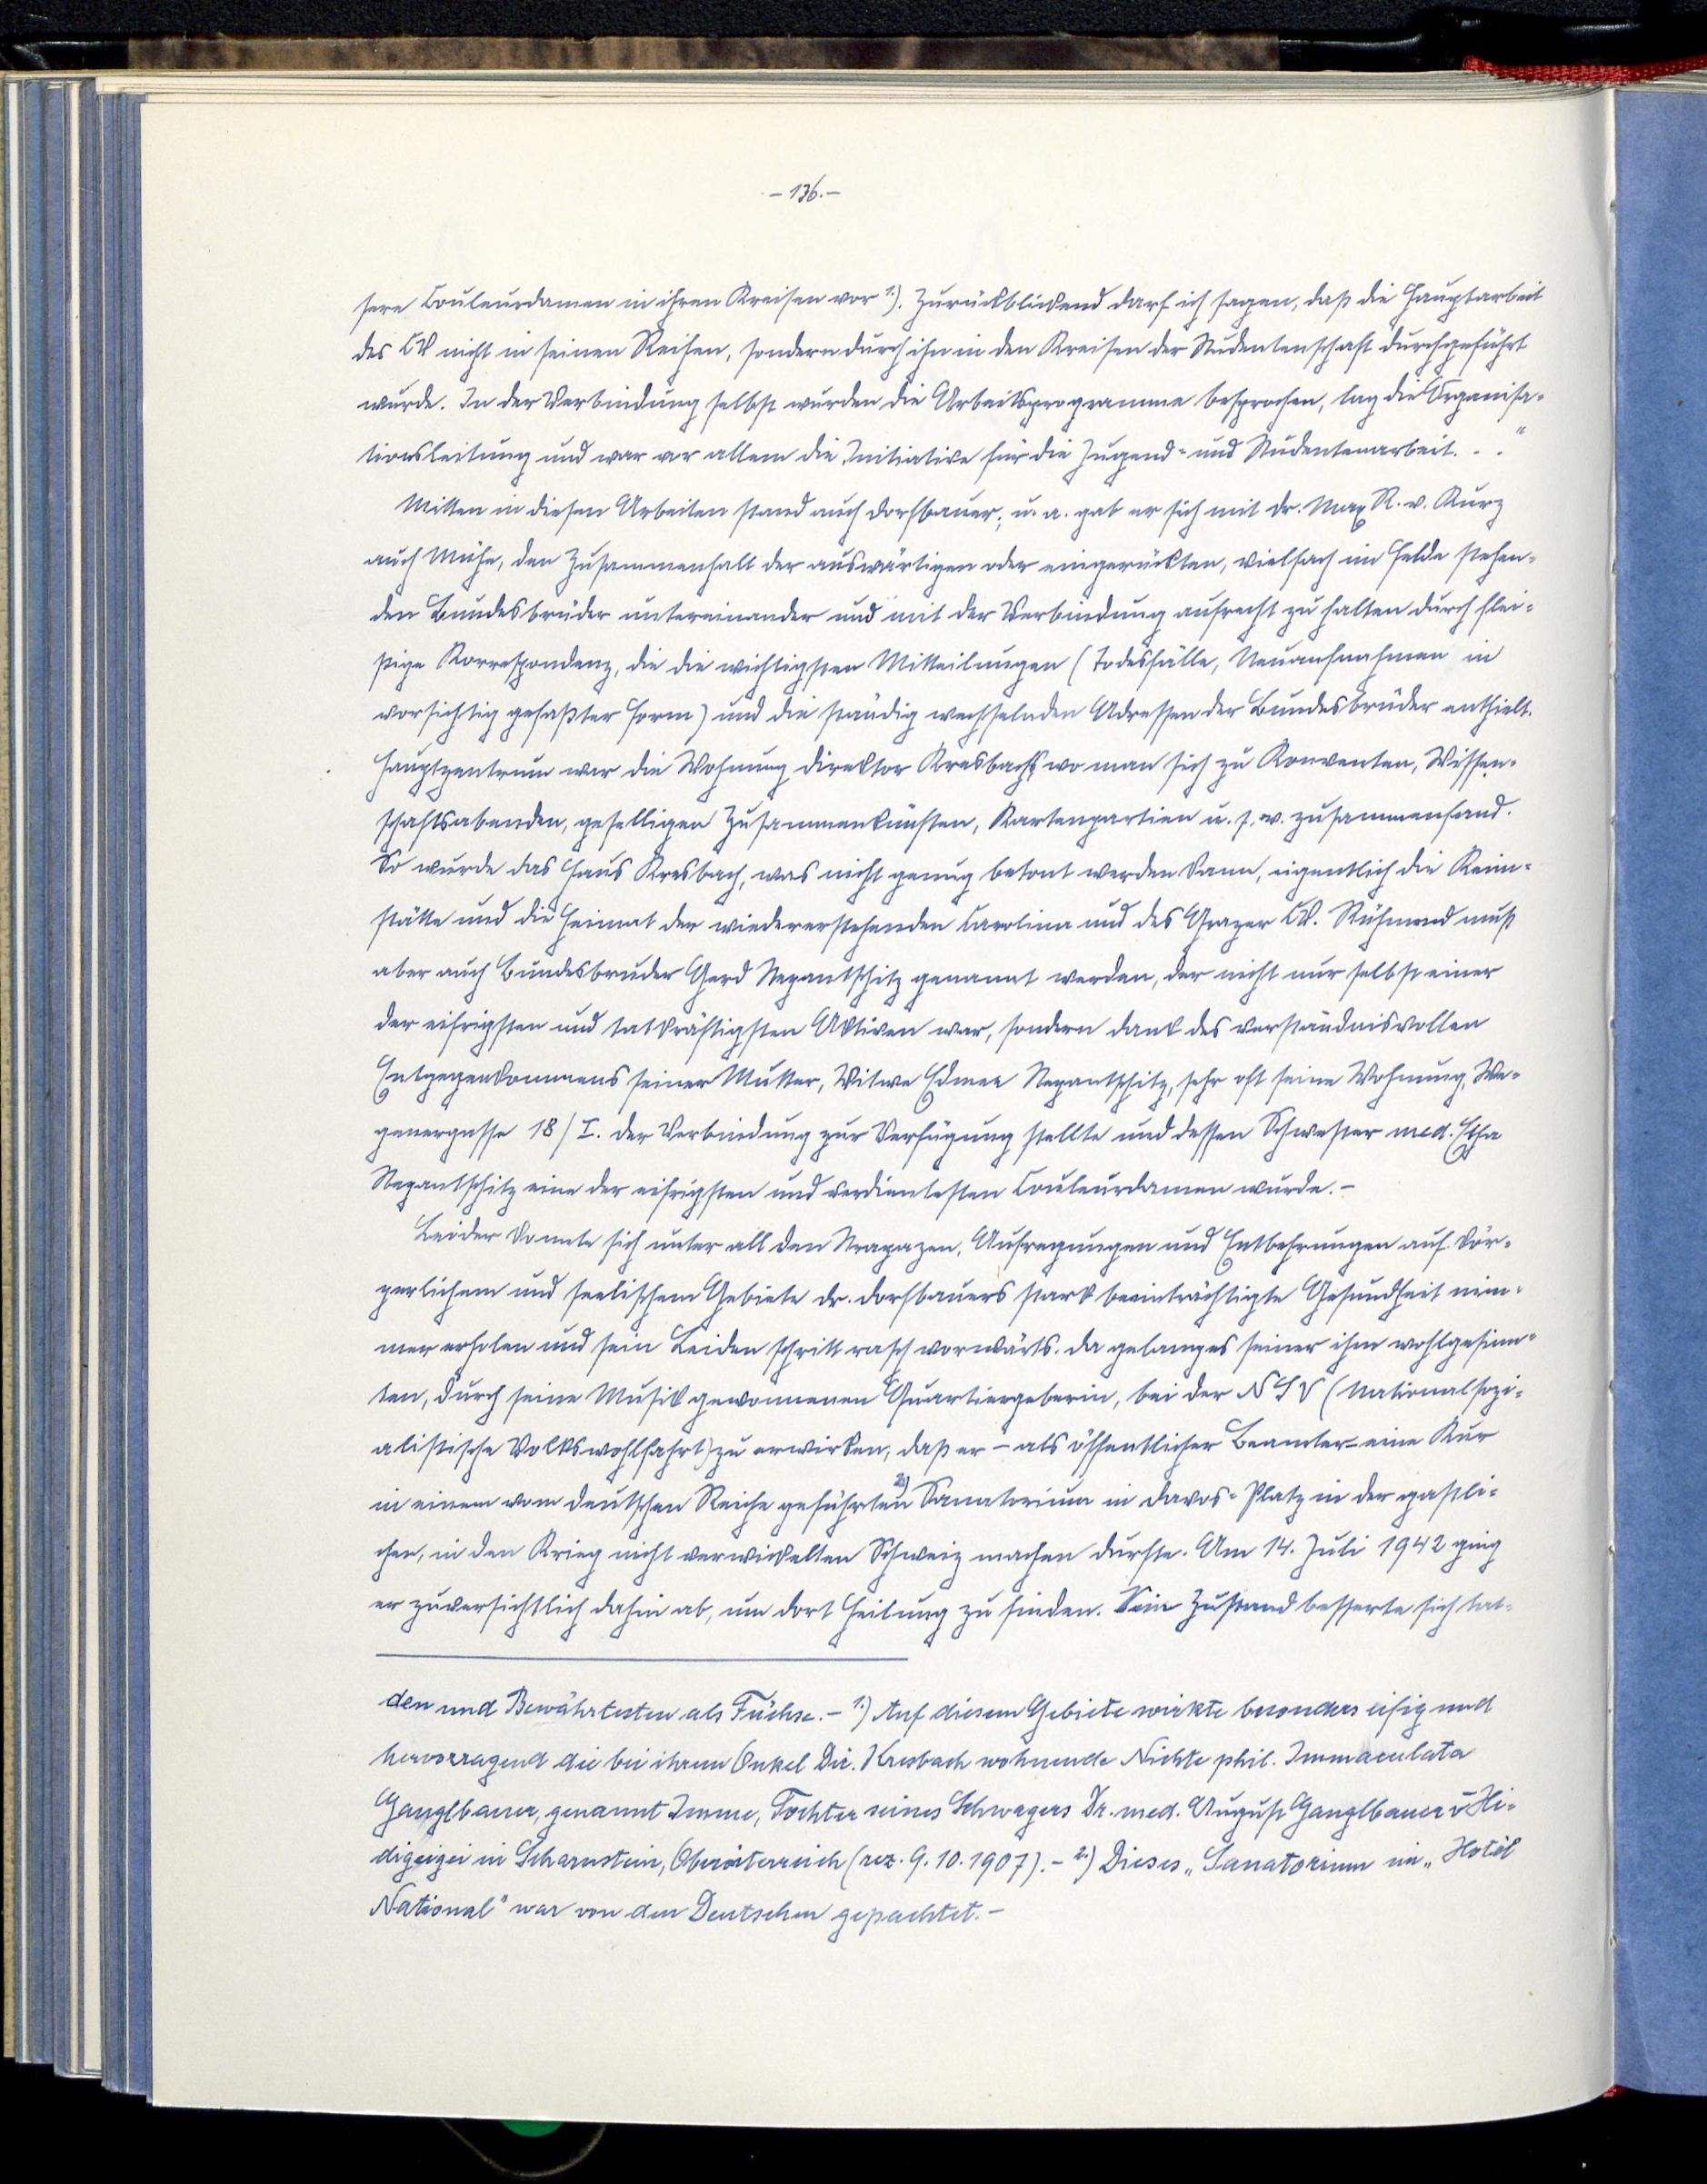136
sere Couleurdamen in ihren Kreisen vor 1) Zurückblickend darf ich sagen, daß die Hauptarbeit
des CV nicht in seinen Reihen, sondern durch ihn in den Kreisen der Studentenschaft durchgeführt
wurde. In der Verbindung selbst wurden die Arbeitsprogramme besprochen, lag die Organisi-
tionsleitung und war vor allen die Initiative für die Jugend- und Studentenarbeit-
Mitten in diesen Arbeiten stand auch Dorfbauer, u. gab er sich mit Dr. Max R. v. Kurz
auch Mühe, den Zusammenhalt der auswärtigen oder eingerückten, vielfach im Felde stehen-
den Bundesbrüder untereinander und mit der Verbindung aufrecht zu halten durch flei-
ßige Korrespondenz, die die wichtigsten Mitteilungen (Todesfälle, Neuanfnahmen in
vorsichtig gefaßter Form) und die ständig wechselnden Adressen der Bundesbrüder enthielt.
Hauptzentrum war die Wohnung Direktor Kresbachs woman sich zu Konventen, Wissen-
schaftsabenden, geselligen Zusammenkünften, Kartenpartien u. s. war. zusammenfand.
So wurde das Haus Kresbach, was nicht genug betont werden kann, eigentlich die Keim-
stätte und die Heimat der wiedererstehenden Carolina und des Grazer CV. Rühmend muß
aber auch Bundesbruder Gerd Steantschitz genannt werden, der nicht nur selbst eine
der efrigsten und tatkräftigsten Aktiven war, sondern Dank des verständnisvollen
Entgegenkommens seiner Mutter, Witwe Edmer Stegantschitz, sehr oft seine Wohnung, Wie-
genergase 18/I. der Verbindung zur Verfügung stellte und dessen Schwester med Etha
Stegantschitz eine der eifrigsten und verdientesten Couleurdamen wurde.-
Leider konnte sich unter all den Strapazen, Aufregungen und Entbehrungen auf kör-
perlichem und seelischem Gebiete Dr. Dorfbauers stark beinträchtigte Gesundheit nim-
mer erholen und sein Leiden schritt rasch vorwärts. Da gelanges seiner ihm wohlgesinn-
ten, durch seine Musik gewonnenen Quartiergeberin, bei der NSV (Nationalsozi-
alistische Volkswohlfahrt), zu erwirken, dass er - als öffentlicher Beamter eine Kur
in einem vom deutschen Reiche geführten Sanatorium in Davos- Platz in der gastli-
chen, in den Krieg nicht verwickelten Schweiz - machen durfte. Am 14. Juli 1942 ging
er zuversichtlich dahin ab, um dort Heilung zu finden. Sein Zustand bessere sich tat-
den und Bewährtesten als Füchse.- 1) Auf diesem Gebiete wirkte besonders eifrig und
hervorragend die bei ihren Onkel Dir. Kresbach wohende Nichte phil. Immaculata
Ganglbaner, genannt Imme, Tochter seines Schwagers Dr. med. August Ganglbaner v/o Hi-
digeigei in Scharnstein, Oberösterreich (rez. 9. 10. 1907).- 2) Dieser "Sanatorium im „Hotel
National" war von den deutschen gepachtet.